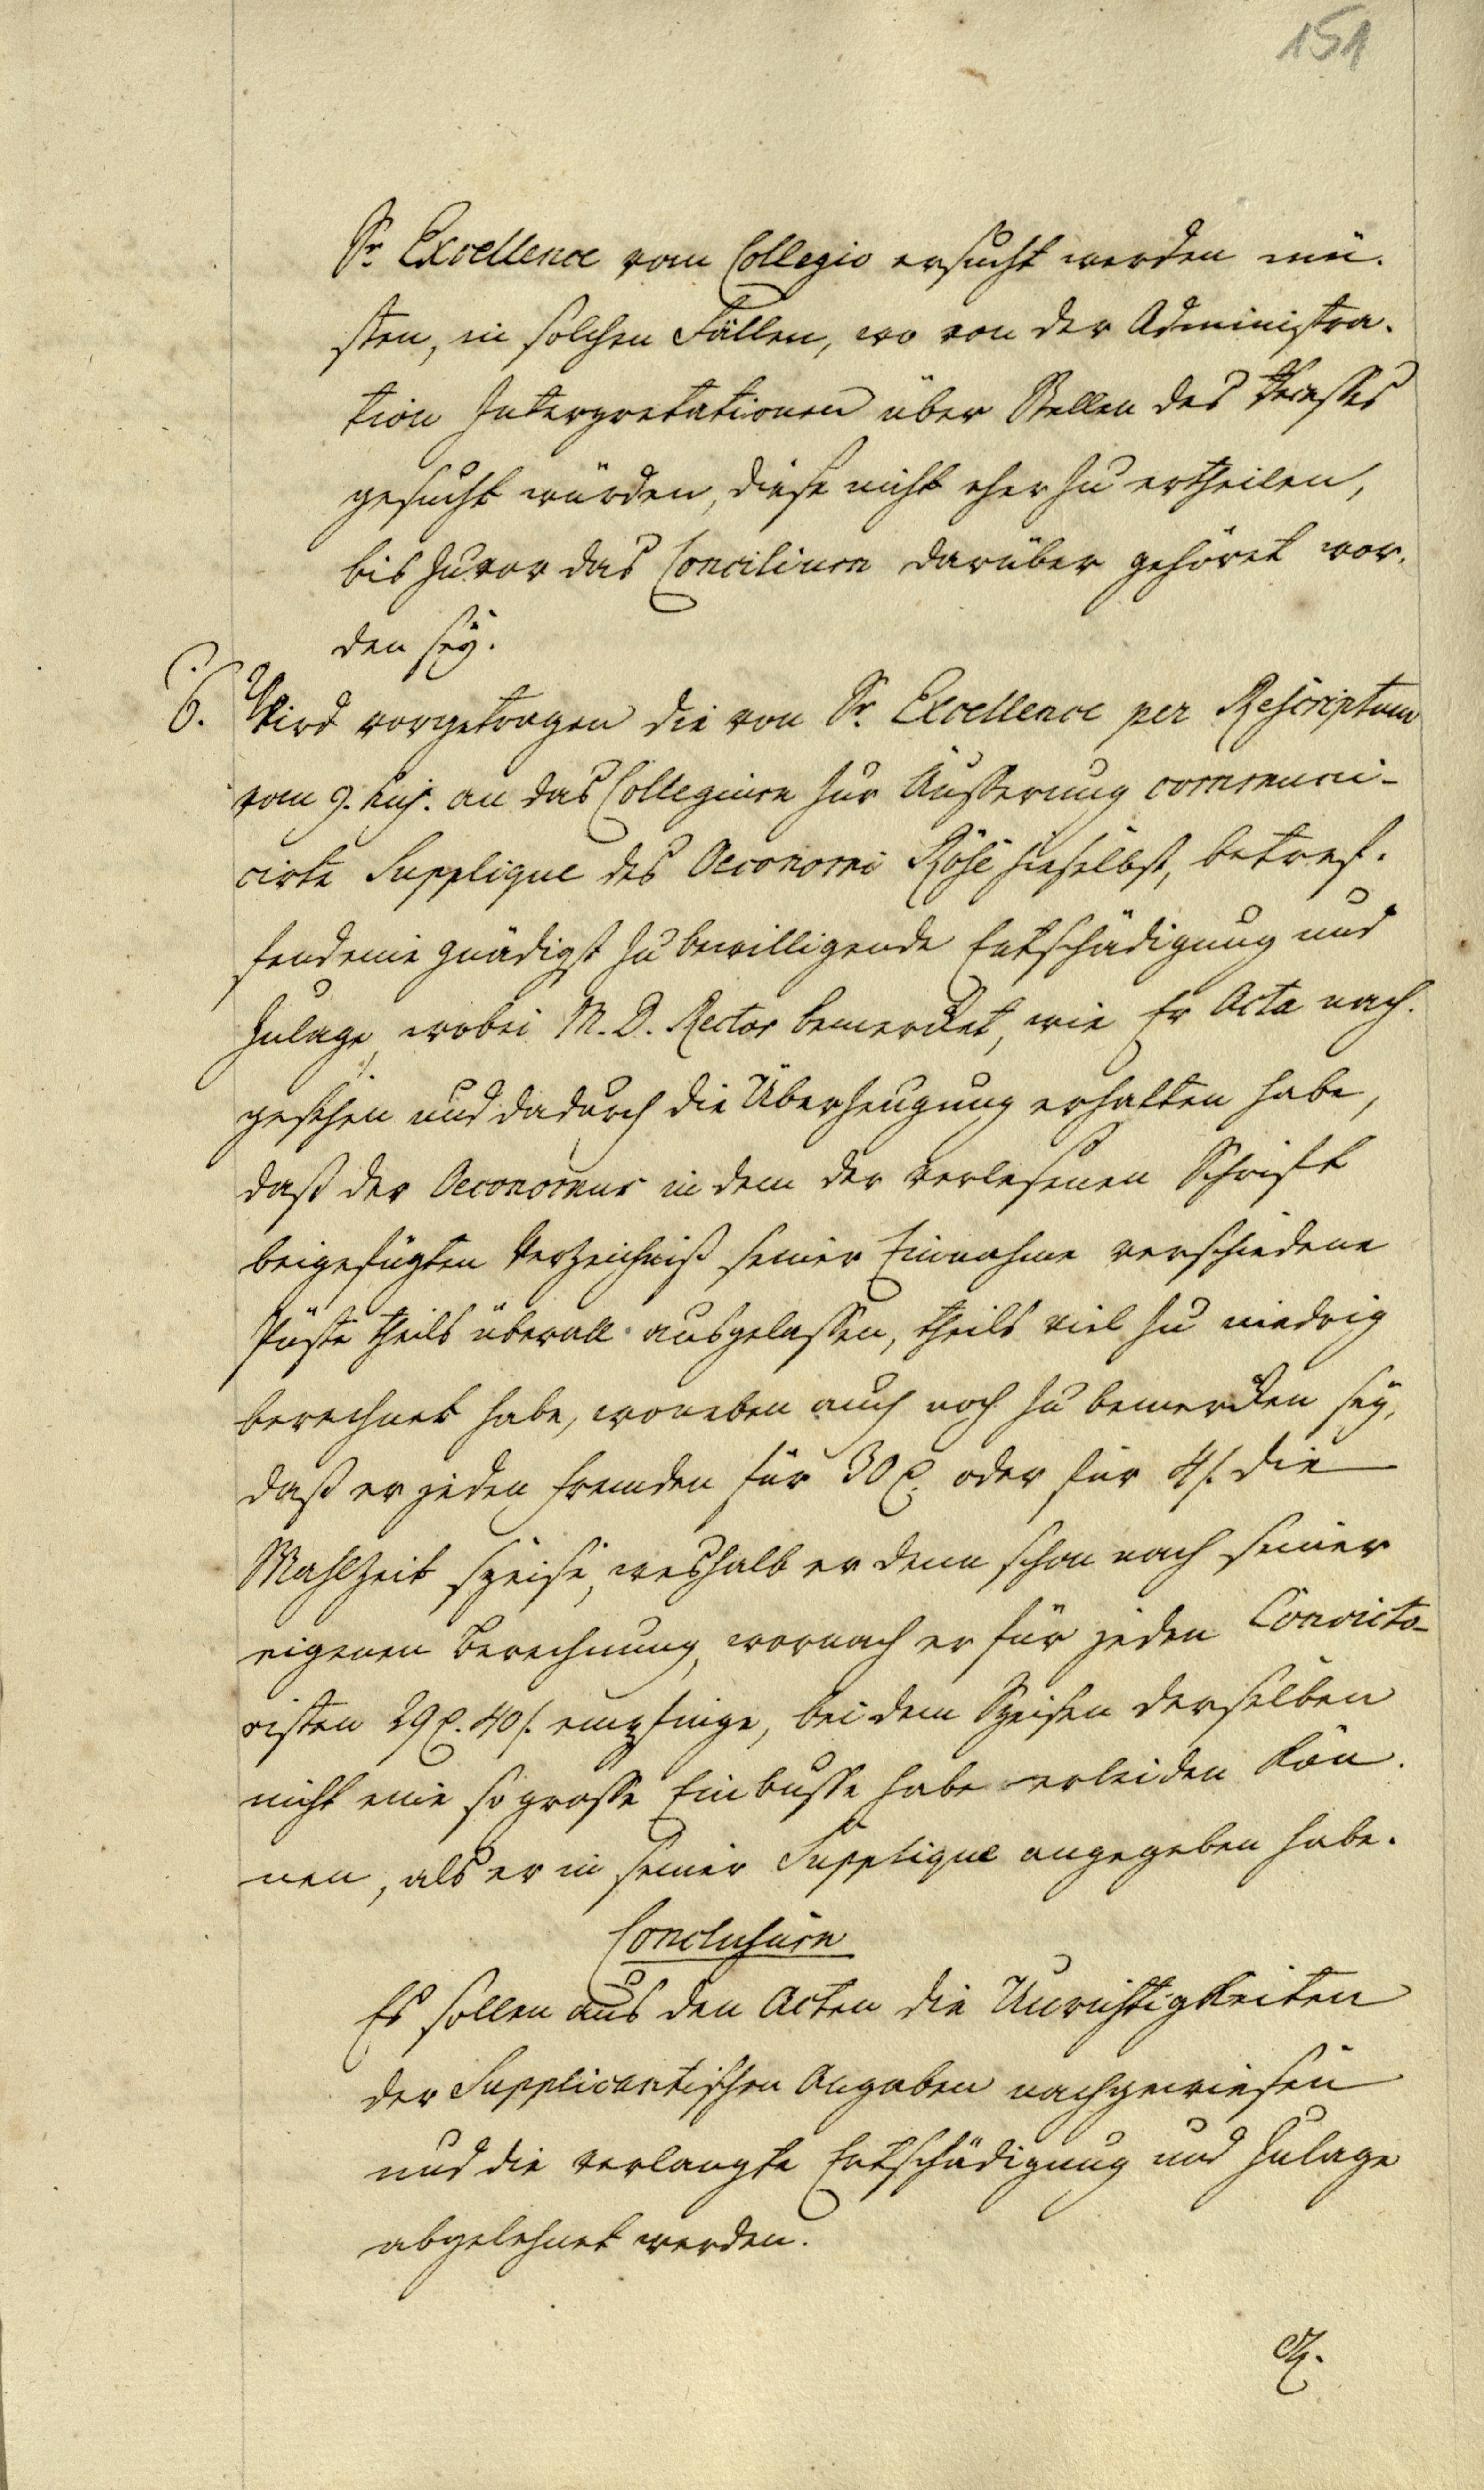Sr Excellence vom Collegio ersucht werden mü
sten, in solchen Fällen, wo von der Administra¬
tion Interpretationen über Stellen des Recesses
gesucht würden, diese nicht eherzu ertheilen,
bis zuvor das Concilium darüber gehöret wor¬
den seÿ.
6. Wird vorgetragen die von Sr Excellence per Rescriptum
vom 9. huj. an das Collegium zur Äusserung communi¬
cirte Supplique des Oeconomi Röse hieselbst, betref¬
fend eine gnädigst zu bewilligende Entschädigung und
Zulage, wobei M. D. Rector bemercket, wie Er Acta nach¬
gesehen und dadurch die Überzeugung erhalten habe,
daß der Oeconomus in dem der verlesenen Schrift
beigefügten Verzeichnis seiner Einnahme verschiedene
Pöste theils überall ausgelassen, theils viel zu niedrig
berechnet habe, woneben auch noch zu bemercken seÿ,
daß er jeden Fremden für 30 l. oder für 4 s. die
Mahlzeit speise, weshalb er denn schon nach seiner
eigenen Berechnung, wornach er für jeden Convicto¬
risten 29 l. 40 s. empfinge, bei dem Speisen derselben
nicht eine so grosse Einbusse habe erleiden kön¬
nen, als er in seiner Supplique angegeben habe.
Conclusum
Es sollen aus den Acten die Unrichtigkeiten
der Supplicantischen Angaben nachgewiesen
und die verlangte Entschädigung und Zulage
abgelehnet werden.
dh.